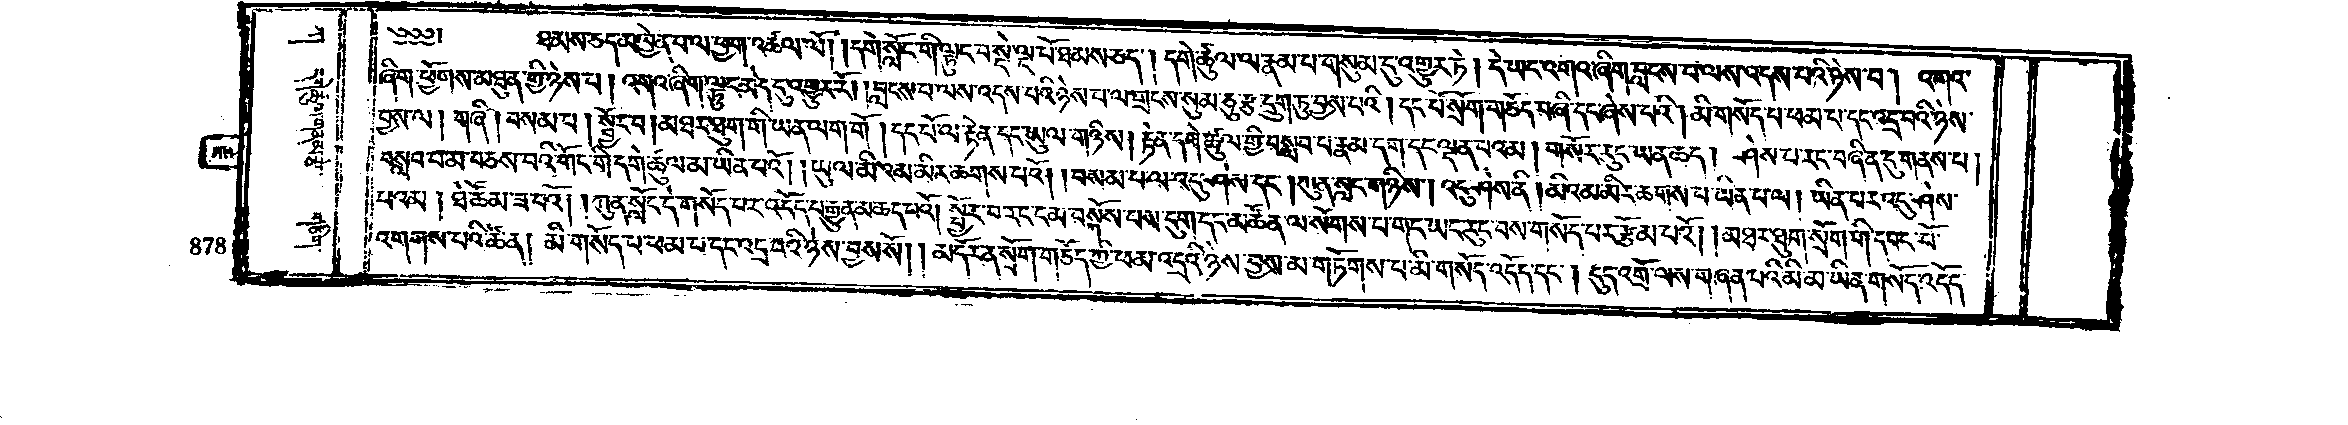༄༅༅། །ཐམས་ཅད་མཁྱེན་པ་ལ་ཕྱག་འཚལ་ལོ། །དགེ་སློང་གི་ལྟུང་བ་སྡེ་ལྔ་པོ་ཐམས་ཅད། དགེ་ཚུལ་ལ་རྣམ་པ་གསུམ་དུ་འགྱུར་ཏེ། དེ་ཡང་འགའ་ཞིག་བླངས་པ་ལས་འདས་པའི་ཉེས་པ། འགའ་
ཞིག་ཕྱོགས་མཐུན་གྱི་ཉེས་པ། འགའ་ཞིག་ལྟུང་མེད་དུ་འགྱུར་རོ། །བླངས་པ་ལས་འདས་པའི་ཉེས་པ་ལ་གྲངས་སུམ་ཅུ་རྩ་དྲུག་ཏུ་བྱས་པའི། དང་པོ་སྲོག་གཅོད་བཞི་དང་ཞེས་པའི། མི་གསོད་པ་ཕམ་པ་དང་འདྲ་བའི་ཉེས་
བྱས་ལ། གཞི། བསམ་པ། སྦྱོར་བ། མཐར་ཐུག་གི་ཡན་ལག་གོ །དང་པོ་ལ་རྟེན་དང་ཡུལ་གཉིས། རྟེན་དགེ་ཚུལ་གྱི་བསླབ་པ་རྣམ་དག་དང་ལྡན་པའམ། གསོར་རུང་ཡན་ཆད། ཤེས་པ་རང་བཞིན་དུ་གནས་པ།
བསླབ་པ་མ་བཅས་པའི་གོང་གི་དགེ་ཚུལ་མ་ཡིན་པའོ། །ཡུལ་མི་འམ་མིར་ཆགས་པའོ། །བསམ་པ་ལ་འདུ་ཤེས་དང་། ཀུན་སླང་གཉིས། འདུ་ཤེས་ནི། མིའམ་མིར་ཆགས་པ་ཡིན་པ་ལ། ཡིན་པར་འདུ་ཤེས་
པའམ། ཐེ་ཚོམ་ཟ་བའོ། །ཀུན་སློང་དེ་གསོད་པར་འདོད་པ་རྒྱུན་མ་ཆད་པའོ། སྦྱོར་བ་རང་ངམ་བསྐོས་པས་དུག་དང་མཚོན་ལ་སོགས་པ་གང་ཡང་རུང་བས་གསོད་པར་རྩོམ་པའོ། །མཐར་ཐུག་སྲོག་གི་དབང་པོ་
འགགས་པའི་ཚེ་ན། མི་གསོད་པ་ཕམ་པ་དང་འདྲ་བའི་ཉེས་བྱས་སོ། །མདོར་ན་སྲོག་གཅོད་ཀྱི་ཕམ་འདྲའི་ཉེས་བྱས་མ་གཏོགས་པ་མི་གསོད་འདོད་དང་། དུད་འགྲོ་ལས་གཞན་པའི་མི་མ་ཡིན་གསོད་འདོད་